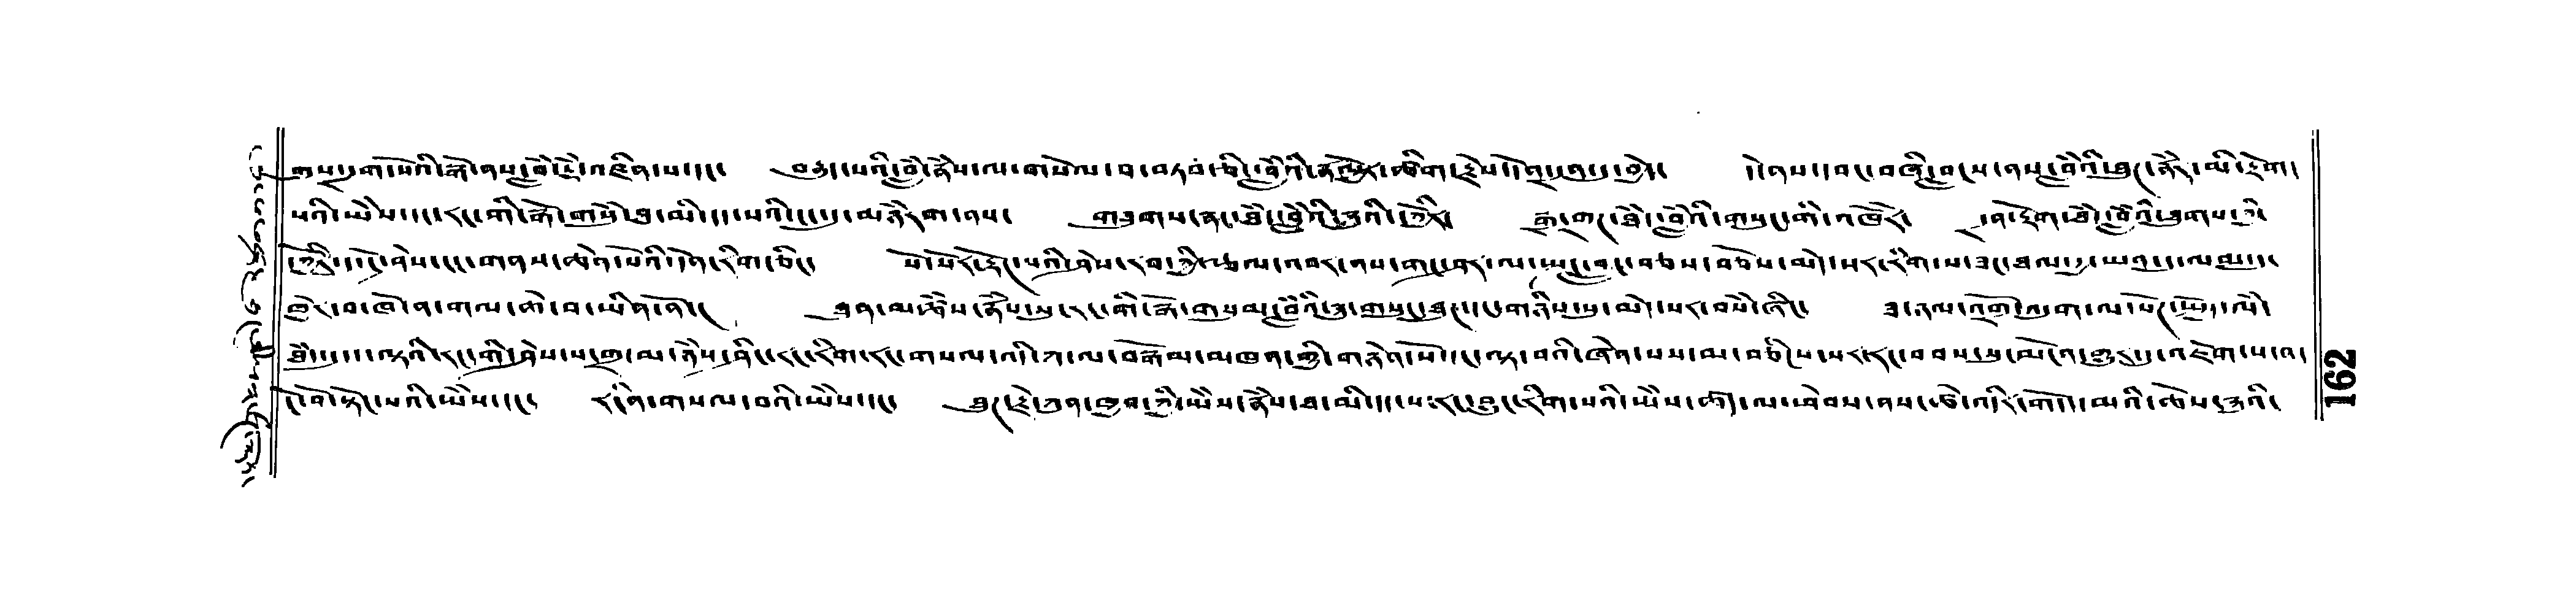གུས་དྲག་པོའི་སྒོ་ནས་བླ་མ་རྡོ་རྗེ་འཛིན་པ་དང་། བརྒྱུད་པའི་བླ་མ་རྣམས་ལ་གསོལ་བ་བཏབ་ཅིང་བླ་མའི་རྣལ་འབྱོར་ཚིག་རྗེས་དོན་དྲན་དུ་བྱེད། དེ་ནས་དབང་བཞི་བླངས་ནས་བླ་མའི་ཐུགས་རྣམ་པར་མི་རྟོག་
པའི་ཡེ་ཤེས་དང་རང་གི་སྒོ་གསུམ་ཐ་མི་དད་པའི་ངང་དུ་མཉམ་པར་དག་ནས། གཟུགས་སྣང་ཐམས་ཅད་བླ་མའི་སྐུའི་དཀྱིལ་འཁོར། སྒྲ་གྲགས་ཐམས་ཅད་བླ་མའི་གསུང་གི་འཁོར་ལོ། དྲན་རྟོག་ཐམས་ཅད་བླ་མའི་ཐུགས་ཀྱི་
དཀྱིལ་འཁོར་དུ་ངོ་ཤེས་ངང་གནས་ཆེན་པོའི་དོན་རིག་ཅིང་། སོ་སོར་རྟོགས་པའི་ཤེས་རབ་ཀྱི་རྩལ་འབར་ནས་གང་ཤར་ལ་སྤང་བླང་བཅས་བཅོས་མེད་པར་རིག་པ་ཟང་ཐལ་རྒྱ་ཡན་དུ་ལམ་དུ་
ཁྱེར་བ་ཁོ་ན་གལ་ཆེ་བ་ཡིན་ནོ། ཐུན་མཚམས་རྣམས་སུ་རང་གི་སྒོ་གསུམ་བླ་མའི་སྐུ་གསུང་ཐུགས་དང་གཉིས་སུ་མེད་པར་བསམ་ཞིང་།ཟ་ཉལ་འགྲོ་འདུག་ལ་སོགས་སྤྱོད་ལམ་
ཐམས་ཅད་དུ་ད་ལྟའི་རང་གི་ཤེས་པ་གྲ་མ་ཉམས་ཤིང་རང་རིག་རང་གསལ་འདི་ཀ་ལ་བསྒོམ་མཁན་གྱི་གཉེན་པོ་དང་ལྟ་བའི་ཞེན་པས་མ་བཅིངས་པར་རང་བབས་སུ་མངོན་གྱུར་དུ་འཇོག་པ་ན། 
ངོ་བོ་སྟོང་པའི་ཡེ་ཤེས་དང་། རང་བཞིན་གསལ་བའི་ཡེ་ཤེས་དང་། ཐུགས་རྗེ་ཀུན་ཁྱབ་ཀྱི་ཡེ་ཤེས་རྣམས་ཐ་མི་དད་པ་རང་བྱུང་རིག་པའི་ཡེ་ཤེས་ཚད་ལ་ཕེབས་ནས་ཚེ་འདིར་གདོད་མའི་ཆོས་སྐུའི་